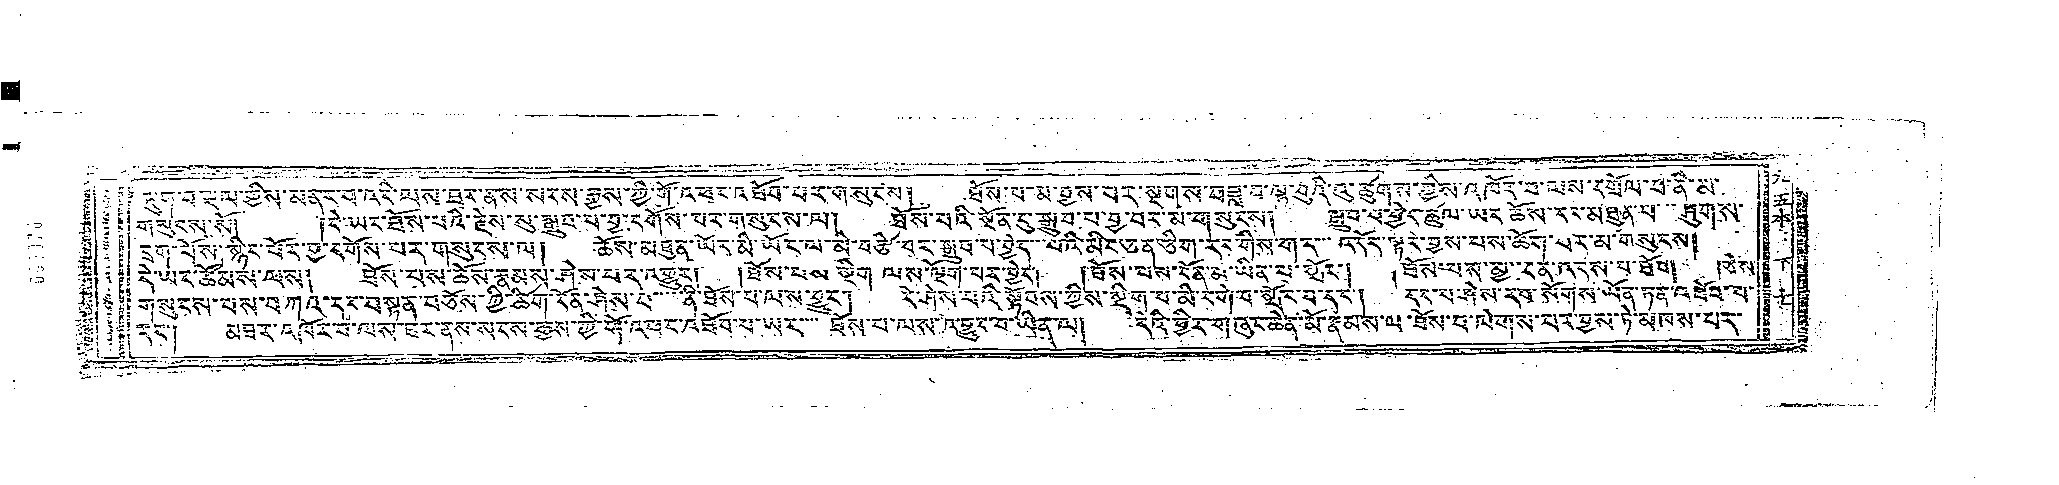སྡུག་བསྔལ་གྱིས་མནར་བ་འདི་ལས་ཐར་ནས་སངས་རྒྱས་ཀྱི་གོ་འཕང་འཐོབ་པར་གསུངས། ཐོས་པ་མ་བྱས་པར་སྔགས་བཟླ་བ་ལྟ་བུའི་འུ་ཚུགས་ཀྱིས་འཁོར་བ་ལས་དགྲོལ་བ་ནི་མ་
གསུངས་སོ། །དེ་ཡང་ཐོས་པའི་རྗེས་སུ་སྒྲུབ་པ་བྱ་དགོས་པར་གསུངས་ལ། ཐོས་པའི་སྔོན་དུ་སྒྲུབ་པ་བྱ་བར་མ་གསུངས། སྒྲུབ་པ་བྱེད་ཚུལ་ཡང་ཆོས་དང་མ་ཐུར་པ་ཤུགས་
དྲག་པོ་ས་སྙིང་པོར་བྱ་དགོས་པར་གསུངས་ལ། ཆོས་མཐུན་ཡོད་མི་ཡོང་ལ་མི་བརྩི་པར་སྒྲུབ་པ་བྱེད་པའི་མིང་ཅན་ཅིག་རང་གིས་གང་འདོད་ལྟར་བྱས་པས་ཆོག་པར་མ་གསུངས།
དེ་ཡང་ཚོམས་ལས། ཐོས་པས་ཆོས་རྣམས་ཤེས་པར་འགྱུར། །ཐོས་བས་སྡིག་ལས་ལྡོག་པར་བྱེད། །ཐོས་པས་དོན་མ་ཡིན་པ་སྤོང་། །ཐོས་པས་མྱ་ངན་འདས་པ་འཐོབ། །ཅེས་
གསུངས་པས་བཀའ་དང་བསྟན་བཅོས་ཀྱི་ཚིག་དོན་ཤེས་པ་ནི་ཐོས་པ་ལས་བྱུང་། དེ་ཤེས་པའི་སྟོབས་ཀྱིས་སྡིག་པ་མི་དགེ་བ་སྤོང་བ་དང་། དང་པ་ཤེས་རབ་སོགས་ཡོན་ཏན་འཐོབ་པ་
དང་། མཐར་འཁོར་བ་ལས་ཐར་ནས་སངས་རྒྱས་ཀྱི་གོ་འཕང་འཐོབ་པ་ཡང་ཐོས་པ་ལས་འབྱུང་བ་ཡིན་ལ། དེའི་ཕྱིར་གཞུང་ཆེན་མོ་རྣམས་ལ་ཐོས་པ་ལེགས་པར་བྱས་ཏེ་མཁས་པར་